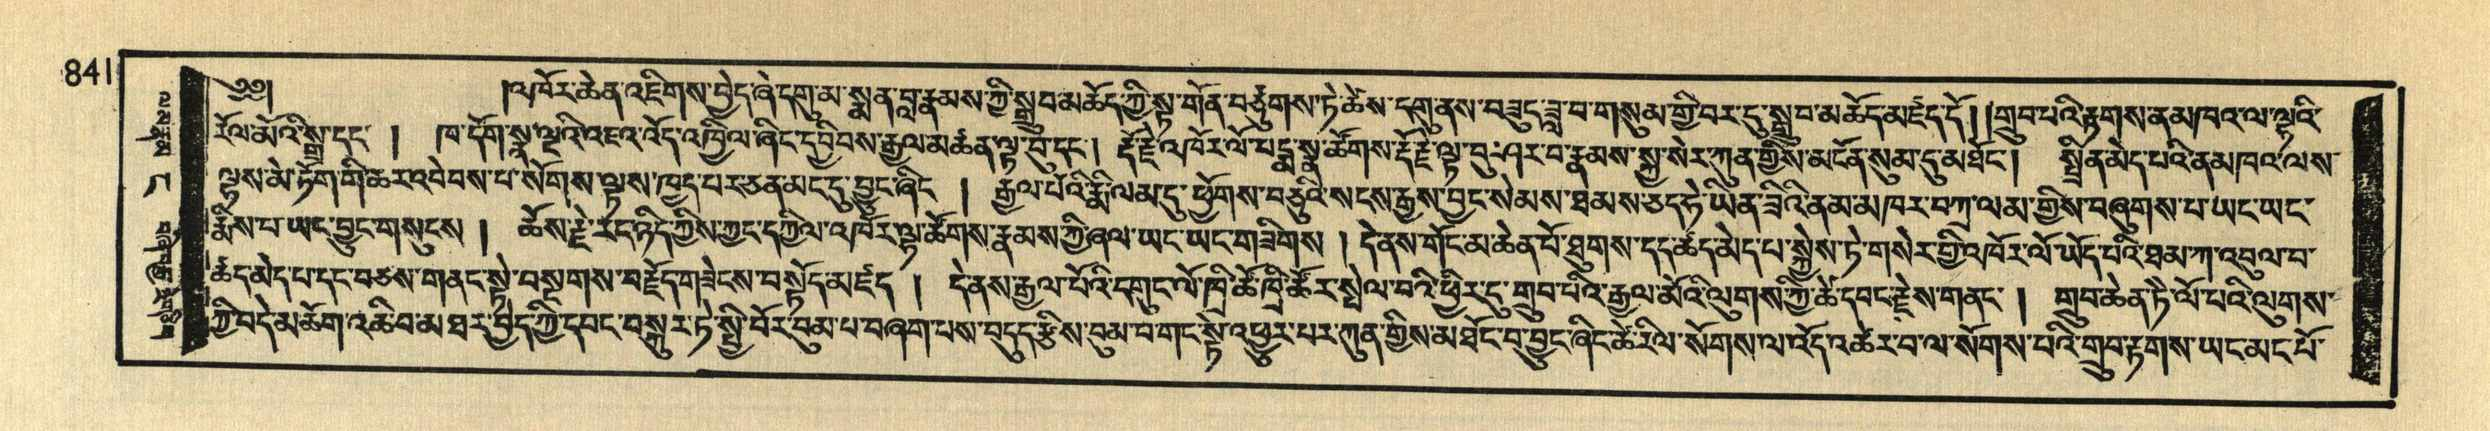༄༅། །འཁོར་ཆེན་འཇིགས་བྱེད་ཞེ་དགུ་མ་སྨན་བླ་རྣམས་ཀྱི་སྒྲུབ་མཆོད་ཀྱི་སྟ་གོན་བཙུགས་ཏེ་ཚེས་དགུ་ནས་བཟུང་ཟླ་བ་གསུམ་གྱི་བར་དུ་སྒྲུབ་མཆོད་མཛད་དོ། །གྲུབ་པའི་རྟགས་ན་མཁའ་ལ་ལྷའི་
རོལ་མོའི་སྒྲ་དང་། ཁ་དོག་སྣ་ལྔའི་འཇའ་འོད་འཁྱིལ་ཞིང་དབྱིབས་རྒྱལ་མཚན་ལྟ་བུ་དང་། རྡོ་རྗེ་འཁོར་ལོ་པདམ་སྣ་ཚོགས་རྡོ་རྗེ་ལྟ་བུ་ཤར་བ་རྣམས་སྐྱ་སེར་ཀུན་གྱིས་མངོན་སུམ་དུ་མཐོང་། སྤྲིན་མེད་པའི་ནམ་མཁའ་ལས་
ལྷས་མེ་ཏོག་གི་ཆར་འབེབས་པ་སོགས་ལྟས་ཁྱད་པར་ཅན་མང་དུ་བྱུང་ཞིང་། རྒྱལ་པོའི་རྨི་ལམ་དུ་ཕྱོགས་བཅུའི་སངས་རྒྱས་བྱང་སེམས་ཐམས་ཅད་ཧེ་ཡིན་ཟིའི་ནམ་མཁར་བཀྲ་ལམ་གྱིས་བཞུགས་པ་ཡང་ཡང་
རྨིས་པ་ཡང་བྱུང་གསུངས། ཆོས་རྗེ་རང་ཉིད་ཀྱིས་ཀྱང་དཀྱིལ་འཁོར་ལྷ་ཚོགས་རྣམས་ཀྱི་ཞལ་ཡང་ཡང་གཟིགས། དེ་ནས་གོང་མ་ཆེན་པོ་ཐུགས་དད་ཚད་མེད་པ་སྐྱེས་ཏེ་གསེར་གྱི་འཁོར་ལོ་ཡོད་པའི་ཐམ་ཀ་འབུལ་བ་
ཚད་མེད་པ་དང་བཅས་གནང་སྟེ་བསྔགས་བརྗོད་གཟེངས་བསྟོད་མཛད། དེ་ནས་རྒྱལ་པོའི་དགུང་ལོ་ཁྲི་ཚོ་ཁྲི་ཚོར་སྤེལ་བའི་ཕྱིར་དུ་གྲུབ་པའི་རྒྱལ་མོའི་ལུགས་ཀྱི་ཚེ་དབང་རྗེས་གནང་། གྲུབ་ཆེན་ཏཻ་ལོ་པའི་ལུགས་
ཀྱི་བདེ་མཆོག་འཆི་བ་མཐར་བྱེད་ཀྱི་དབང་བསྐུར་ཏེ་སྤྱི་བོར་བུམ་པ་བཞག་པས་བདུད་རྩིས་བུམ་པ་གང་སྟེ་འཕྱུར་པར་ཀུན་གྱིས་མཐོང་བ་བྱུང་ཞིང་ཚེ་རིལ་སོགས་ལ་འོད་འཚེར་བ་ལ་སོགས་པའི་གྲུབ་རྟགས་ཡང་མང་པོ་